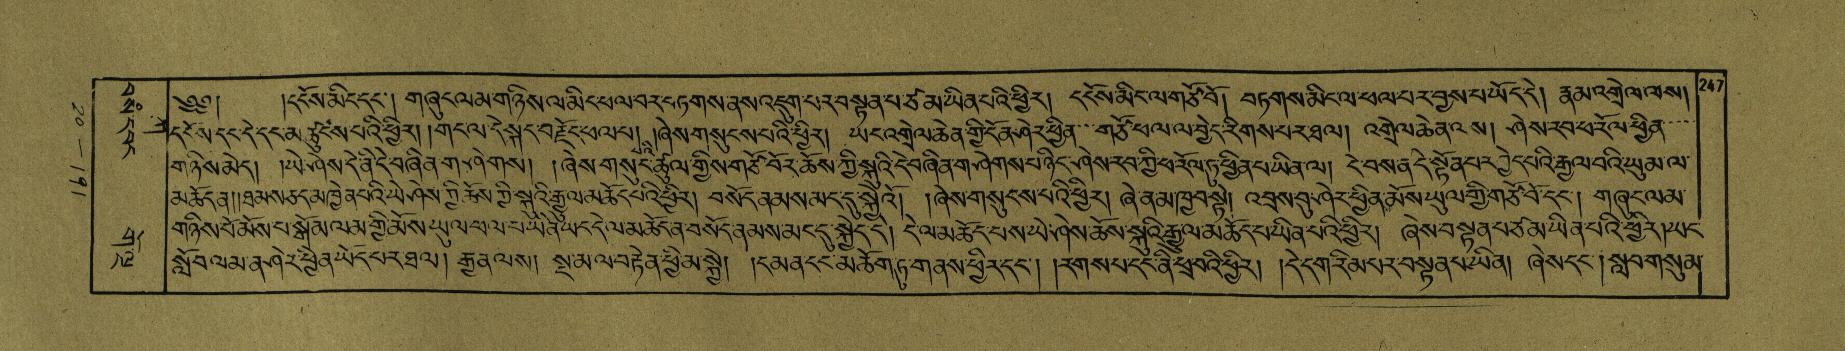༄༅། །དངོས་མིང་དང་། གཞུང་ལམ་གཉིས་ལ་མིང་ཕལ་བར་བཏགས་ནས་འཇུག་པར་བསྟན་པ་ཙམ་ཡིན་པའི་ཕྱིར། དངོས་མིང་ལ་གཙོ་བོ། བཏགས་མིང་ལ་ཕལ་བར་བྱས་པ་ཡོད་དེ། རྣམ་འགྲེལ་ལས།
དངོས་དང་དེ་དང་མཚུངས་པའི་ཕྱིར། །གང་ལ་དེ་སྐད་བརྗོད་ཕལ་བ། །ཞེས་གསུངས་པའི་ཕྱིར། ཡང་འགྲེལ་ཆེན་གྱི་དོན་ཤེར་ཕྱིན་གཙོ་ཕལ་ལ་བྱེད་རིགས་པར་ཐལ། འགྲེལ་ཆེན་ལས། ཤེས་རབ་ཕ་རོལ་ཕྱིན་
གཉིས་མེད། །ཡེ་ཤེས་དེ་ནི་དེ་བཞིན་གཤེགས། །ཞེས་གསུང་ཚུལ་གྱིས་གཙོ་བོར་ཆོས་ཀྱི་སྐུའི་དེ་བཞིན་གཤེགས་པ་ཉིད་ཤེས་རབ་ཀྱི་ཕ་རོལ་ཏུ་ཕྱིན་པ་ཡིན་ལ། དེ་བས་ན་དེ་སྟོན་པར་བྱེད་པའི་རྒྱལ་བའི་ཡུམ་ལ་
མཆོད་ན། །ཐམས་ཅད་མཁྱེན་པའི་ཡེ་ཤེས་ཀྱི་ཆོས་ཀྱི་སྐུའི་རྒྱུ་ལ་མཆོད་པའི་ཕྱིར། བསོད་ནམས་མང་དུ་སྐྱེའོ། །ཞེས་གསུངས་པའི་ཕྱིར། ཞེ་ན་མ་ཁྱབ་སྟེ། འབྲས་བུ་ཤེར་ཕྱིན་མོས་ཡུལ་གྱི་གཙོ་བོ་དང་། གཞུང་ལམ་
གཉིས་པོ་མོས་བ་སྒོམ་ལམ་གྱི་མོས་ཡུལ་ཕལ་པ་ཡིན་ཡང་དེ་ལ་མཆོད་ན་བསོད་ནམས་མང་དུ་སྐྱེད་དེ། དེ་ལ་མཆོད་པས་ཡེ་ཤེས་ཆོས་སྐུའི་རྒྱུ་ལ་མཆོད་པ་ཡིན་པའི་ཕྱིར། ཞེས་བསྟན་པ་ཙམ་ཡིན་པའི་ཕྱིར། ཡང་
སློབ་ལམ་ན་ཤེར་ཕྱིན་ཡོད་པར་ཐལ། རྒྱན་ལས། སྔ་མ་ལ་བརྟེན་ཕྱི་མ་སྐྱེ། །དམན་དང་མཆོག་ཏུ་གནས་ཕྱིར་དང་། །རགས་པ་དང་ནི་ཕྲ་བའི་ཕྱིར། །དེ་དག་རིམ་པར་བསྟན་པ་ཡིན། ཞེས་དང་། སླབ་གསུམ་